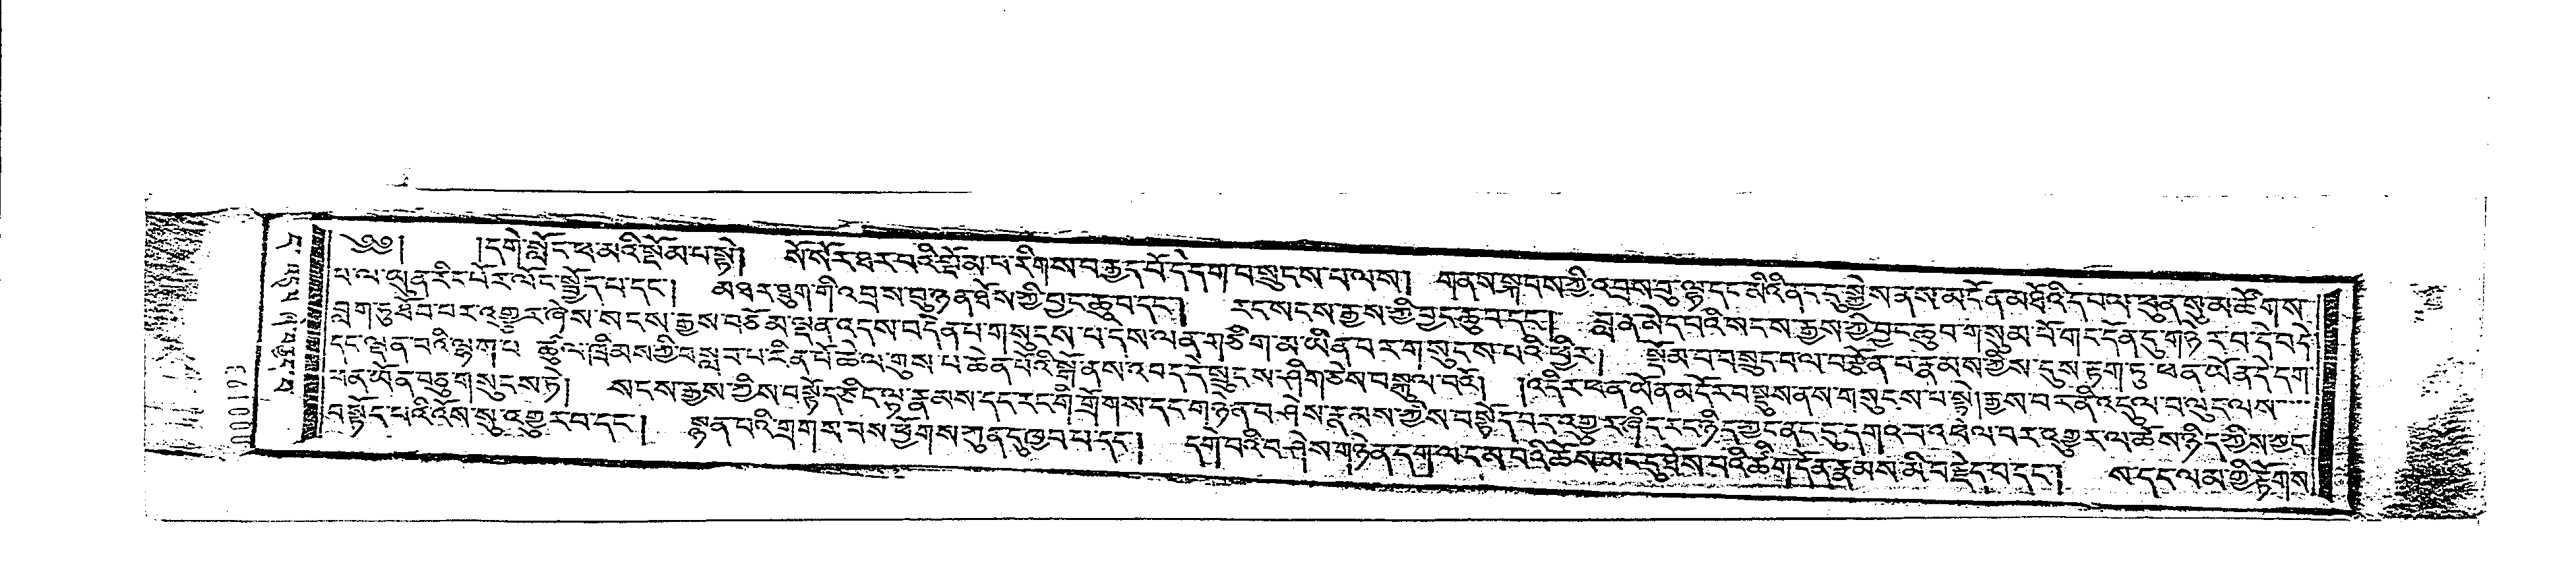༄༅། །དགེ་སློང་ཕ་མའི་སྡོམ་པ་སྟེ། སོ་སོར་ཐར་པའི་སྡོམ་པ་རིགས་བརྒྱད་པོ་དེ་དག་བསྲུངས་པ་ལས། གནས་སྐབས་ཀྱི་འབྲས་བུ་ལྷ་དང་མིའི་ནང་དུ་སྐྱེས་ནས་མངོན་མཐོའི་དཔལ་ཕུན་སུམ་ཚོགས་
པ་ལ་ཡུན་རིང་པོར་ལོང་སྤྱོད་པ་དང་། མཐར་ཐུག་གི་འབྲས་བུ་ཉན་ཐོས་ཀྱི་བྱང་ཆུབ་དང་། རང་སངས་རྒྱས་ཀྱི་བྱང་ཆུབ་དང་། བླ་ན་མེད་པའི་སངས་རྒྱས་ཀྱི་བྱང་ཆུབ་གསུམ་པོ་གང་དོན་དུ་གཉེར་བ་དེ་བདེ་
བླག་ཏུ་ཐོབ་པར་འགྱུར་ཞེས་སངས་རྒྱས་བཅོམ་ལྡན་འདས་བདེན་པ་གསུངས་པ་དེས་ལན་གཅིག་མ་ཡིན་པར་གསུངས་པའི་ཕྱིར། སྡོམ་པ་བསྲུང་བ་ལ་བརྩོན་པ་རྣམས་ཀྱིས་དུས་རྟག་ཏུ་ཕན་ཡོན་དེ་དག་
དང་ལྡན་པའི་ལྷག་པ་ཚུལ་ཁྲིམས་ཀྱི་བསླབ་པ་རིན་པོ་ཆེ་ལ་གུས་པ་ཆེན་པོའི་སྒོ་ནས་འབད་དེ་སྲུངས་ཤིག་ཅེས་བསྐུལ་བའོ། །འདིར་ཕན་ཡོན་མདོར་བསྡུས་ནས་གསུངས་པ་སྟེ། རྒྱས་པར་ནི་འདུལ་བ་ལུང་ལས་
ཕན་ཡོན་བཅུ་གསུངས་ཏེ། སངས་རྒྱས་ཀྱིས་བསྟོད་ཅིང་ལྟ་རྣམས་དང་རང་གི་གྲོགས་དང་གཉེན་བཤེས་རྣམས་ཀྱིས་བསྟོད་པར་འགྱུར་ཞིང་རང་ཉིད་ཀྱང་ནང་དུ་དགའ་བ་འཕེལ་བར་འགྱུར་ལ་ཆོས་ཉིད་ཀྱིས་ཀྱང་
བསྟོད་པའི་འོས་སུ་འགྱུར་བ་དང་། སྙན་པའི་གྲགས་པས་ཕྱོགས་ཀུན་དུ་ཁྱབ་པ་དང་། དགེ་བའི་བཤེས་གཉེན་དག་ལ་དམ་པའི་ཆོས་མང་དུ་ཐོས་པའི་ཚིག་དོན་རྣམས་མི་བརྗེད་པ་དང་། ས་དང་ལམ་གྱི་རྟོགས་